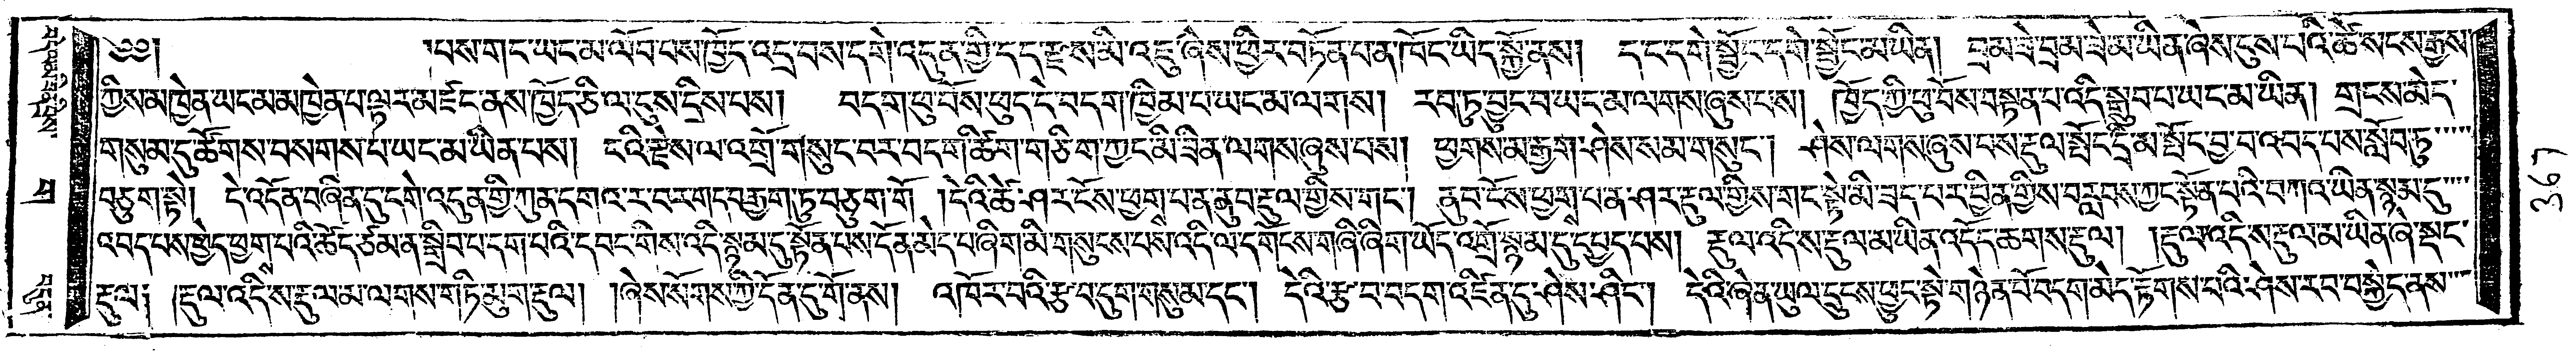༄༅། །པས་གང་ཡང་མ་ལོབ་པས་ཁྱོད་འདྲ་བས་དགེ་འདུན་གྱི་དད་རྫས་མི་འཇུ་ཞེས་ཕྱིར་བཏོན་པ་ན་ཁོང་ཡིད་སྐྱོ་ནས། དང་དགེ་སྦྱོང་དགེ་སྦྱོང་མ་ཡིན། བྲམ་ཟེ་བྲམ་ཟེ་མ་ཡིན་ཞེས་དུས་པའི་ཚེ་སངས་རྒྱས་
ཀྱིས་མཁྱེན་ཡང་མ་མཁྱེན་པ་ལྟར་མཛད་ནས་ཁྱོད་ཅི་ལ་དུས་དྲིས་པས། བདག་ཕུ་བོས་ཕུད་དེ་བདག་ཁྱིམ་པ་ཡང་མ་ལགས། རབ་ཏུ་བྱུང་བ་ཡང་མ་ལགས་ཞུས་པས། ཁྱོད་ཀྱི་ཕུ་བོས་བསྟན་པ་འདི་སྒྲུབ་བ་ཡང་མ་ཡིན། གྲངས་མེད་
གསུམ་དུ་ཚོགས་བསགས་པ་ཡང་མ་ཡིན་པས། ངའི་རྗེས་ལ་འགྲོ་གསུང་བར་བདག་ཚིག་གཅིག་ཀྱང་མི་ཟིན་ལགས་ཞུས་པས། ཕྱགས་མ་རྒྱག་ཤེས་སམ་གསུང་། ཤེས་ལགས་ཞུས་བས་རྡུལ་སྤོང་དྲི་མ་སྤོང་བྱ་བ་འབད་པས་སློབ་ཏུ་
བཅུག་སྟེ། དེ་འདོན་བཞིན་དུ་དགེ་འདུན་གྱི་ཀུན་དགའ་ར་བར་གདབ་རྒྱག་ཏུ་བཅུག་གོ །དེའི་ཚེ་ཤར་ངོས་ཕྱག་པ་ན་ནུབ་རྡུལ་གྱིས་གང་། ནུབ་ངོས་ཕྱགས་པ་ནེ་ཤར་རྡུལ་གྱིས་གང་སྟེ་མི་ཟད་པར་བྱིན་གྱིས་བརླབས་ཀྱང་སྟོན་པའི་བཀའ་ཡིན་སྙམ་དུ་
འབད་པས་གྱེད་ཕྱགས་བའི་ཚེད་ཙམ་ན་སྒྲིབ་པ་དག་པའི་དབང་གིས་འདི་སྙམ་དུ་སྟོན་པས་དོན་མེད་པ་ཞིག་མི་གསུངས་པས་འདི་ལ་དགོངས་གཞི་ཞིག་ཡོད་འགྲོ་སྙམ་དུ་དཔྱད་པས། རྡུལ་འདི་ས་རྡུལ་མ་ཡིན་འདོད་ཆགས་རྡུལ། །རྡུལ་འདིས་རྡུལ་མ་ཡིན་ཞེ་སྡང་
རྡུལ༑ །རྡུལ་འདིས་རྡུལ་མ་ལགས་གཏི་མུག་རྡུལ། །ཞེས་སོགས་ཀྱི་དོན་དུ་གོ་ནས། འཁོར་བའི་རྩ་བ་དུག་གསུམ་དང་། དེའི་རྩ་བ་བདག་འཛིན་དུ་ཤེས་ཤིང་། དེའི་ཞེན་ཡུལ་དྲུངས་ཕྱུང་སྟེ་གཉེན་པོ་བདག་མེད་རྟོགས་བའི་ཤེས་རབ་བསྐྱེད་ནས་